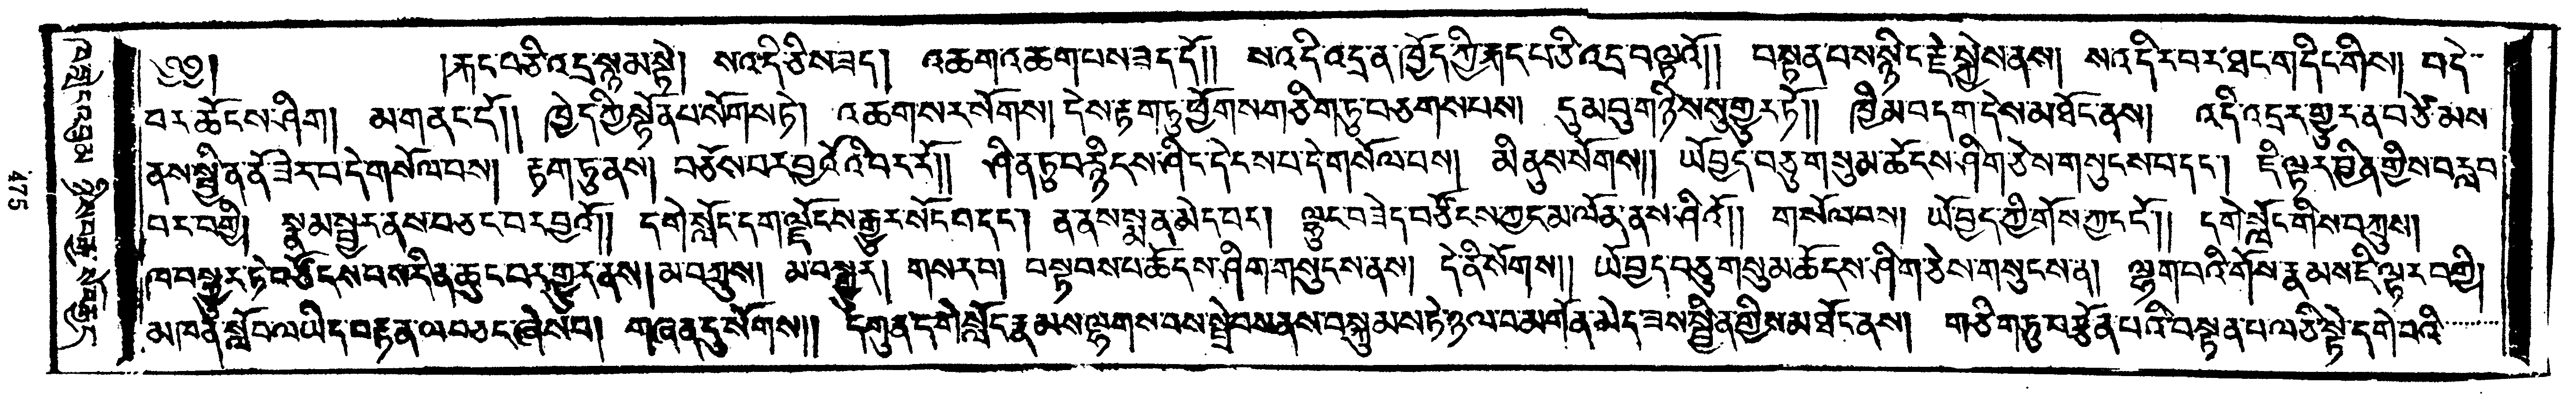༄༅། །རྐང་བཅི་འདྲ་སྙམ་སྟེ། ས་འདི་ཅིས་ཟད། འཆག་འཆག་པས་ཟད་དོ།། ས་འདི་འདྲ་ན་ཁྱོད་ཀྱི་རྐང་པ་ཅི་འདྲ་བལྟའོ།། བསྟན་པས་སྙིང་རྗེ་སྐྱེས་ནས། ས་འདིར་བར་ཐང་གདིང་གིས། བདེ་
བར་ཆོངས་ཤིག། མ་གནང་ངོ།། ཁྱེད་ཀྱི་སྟོན་པ་སོགས་ཏེ། འཆག་སར་སོགས། དེས་རྟག་ཏུ་ཕྱོགས་གཅིག་ཏུ་བཅགས་པས། དུམ་བུ་གཉིས་སུ་གྱུར་ཏོ།། ཁྱིམ་བདག་དེས་མཐོང་ནས། འདི་འདྲར་གྱུར་ན་བཙེམས་
ནས་སྦྱིན་ནོ་ཟེར་བ་དེ་གསོལ་བས། རྟག་ཏུ་ནས། བཅོས་བར་བྱའོའི་བར་རོ།། ཤིན་ཏུ་བརྙིངས་ཤིང་དེངས་པ་དེ་གསོལ་པས། མི་ནུས་སོགས།། ཡོ་བྱད་བཅུ་གསུམ་ཆོངས་ཤིག་ཅེས་གསུངས་པ་དང་། ཇི་ལྟར་བྱིན་གྱིས་བརླབ་
བར་བགྱི། སྣམ་སྦྱར་ནས་བཅང་བར་བྱའོ།། དགེ་སློང་དག་ལྗོངས་རྒྱུར་སོང་བ་དང་། ན་ནས་སྨན་མེད་པར། ལྷུང་བཟེད་བཙོངས་ཀྱང་མ་ལོན་ནས་ཤིའོ།། གསོལ་བས། ཡོ་བྱད་ཀྱི་གོས་ཀྱང་ངོ།། དགེ་སློང་གིས་བཀྲུས།
ཁ་བསྐྱུར་ཏེ་བཙོངས་པས་རིན་ཆུང་བར་གྱུར་ནས། མ་བཀྲུས། མ་བསྒྱུར། གསར་བ། བསྟབས་པ་ཆོངས་ཤིག་གསུངས་ནས། དེ་ནི་སོགས།། ཡོ་བྱད་བཅུ་གསུམ་ཆོངས་ཤིག་ཅེས་གསུངས་ན། ལྷག་པའི་གོས་རྣམས་ཇི་ལྟར་བགྱི།
མཁན་སློབ་ལ་ཡིད་བརྟན་ལ་བཅང་ཞེས་བ། གཞན་དུ་སོགས།། དགུན་དགེ་སློང་རྣམས་ལྷགས་བས་སྦྲེ་བས་ནས་བསྐུམས་ཏེ་ཉལ་བ་མགོན་མེད་ཟས་སྦྱིན་གྱིས་མཐོང་ནས། གཅིག་ཏུ་བརྩོན་པའི་བསྟན་པ་ལ་ཅི་སྟེ་དགེ་བའི་